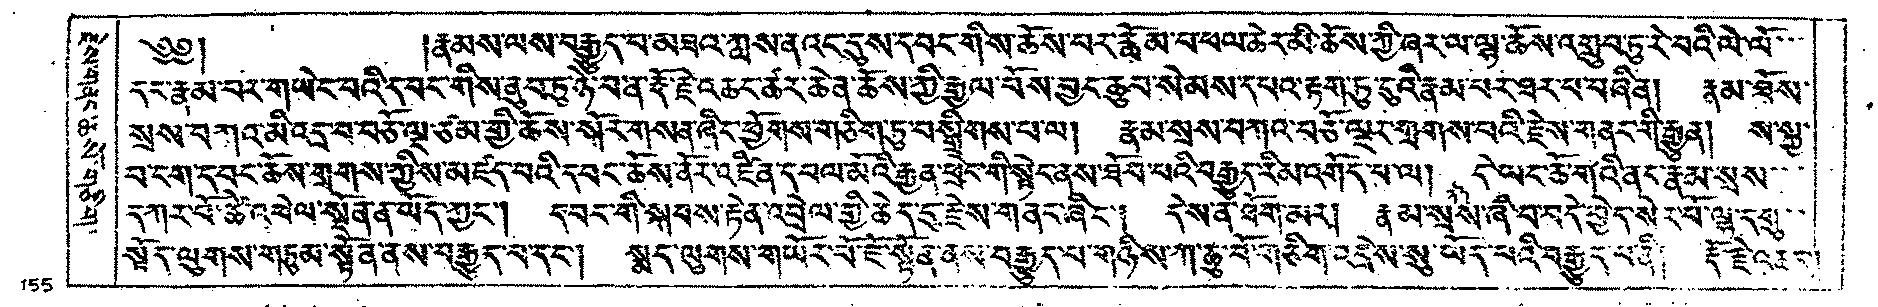༄༅། །རྣམས་ལས་བརྒྱུད་པ་མཐའ་ཀླས་ནའང་དུས་དབང་གིས་ཆོས་པར་རློམ་པ་ཕལ་ཆེར་མི་ཆོས་ཀྱི་ཞར་ལ་ལྷ་ཆོས་འགྲུབ་ཏུ་རེ་བའི་ལེ་ལོ་
དང་རྣམ་པར་གཡེང་བའི་དབང་གིས་ནུབ་ཏུ་ཉེ་བ་ན་རྡོ་རྗེ་འཆང་ཚར་ཆེན་ཆོས་ཀྱི་རྒྱལ་པོས་བྱང་ཆུབ་སེམས་དཔའ་རྟག་ཏུ་ངུའི་རྣམ་པར་ཐར་པ་བཞིན། རྣམ་ཐོས་
སྲས་བཀའ་མི་འདྲ་བ་བཅོ་ལྔ་ཙམ་གྱི་ཆོས་སྐོར་གསན་ཞིང་ཕྱོགས་གཅིག་ཏུ་བསྒྲིགས་པ་ལ། རྣམ་སྲས་བཀའ་བཅོ་ལྔར་གྲགས་པའི་རྗེས་གནང་གི་རྒྱུན། ས་སྐྱ་
བ་ངག་དབང་ཆོས་གྲགས་ཀྱིས་མཛད་པའི་དབང་ཆོས་ནོར་འཛིན་དཔལ་མོའི་རྒྱན་ཕྲེང་གི་སྟེང་ནས་ཐོབ་པའི་བརྒྱུད་རིམ་འགོད་པ་ལ། དེ་ཡང་ཆོ་གའི་ནང་རྣམ་སྲས་
དཀར་པོ་ཚེ་འཕེལ་སྔོན་ན་ཡོད་ཀྱང་། དབང་གི་སྐབས་རྟེན་འབྲེལ་གྱི་ཆེད་དུ་རྗེས་གནང་ཞིང་། དེས་ན་ཐོག་མར། རྣམ་སྲས ༢?་ཞི་བ་བདེ་བྱེད་སེར་པོ་ལྷ་དགུ་
སྟོད་ལུགས་གཏུམ་སྟོན་ནས་བརྒྱུད་པ་དང་། སྨད་ལུགས་གཡོར་པོ་ཇོ་སྟོན་ནས་བརྒྱུད་པ་གཉིས་ཀ་ཆུ་བོ་གཅིག་འདྲེས་སུ་ཡོད་པའི་བརྒྱུད་པ་ནི། རྡོ་རྗེ་འཆང་